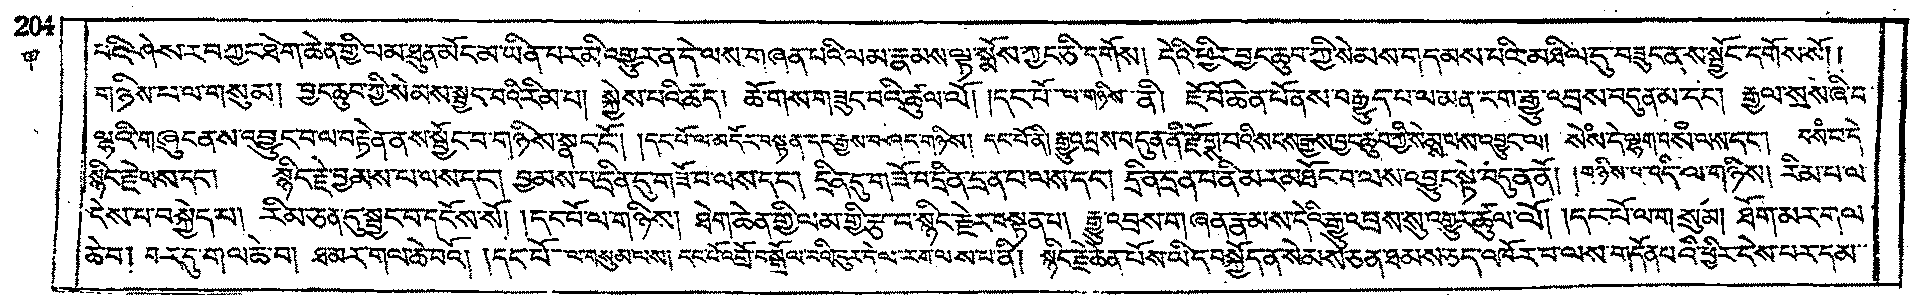པའི་ཤེས་རབ་ཀྱང་ཐེག་ཆེན་གྱི་ལམ་ཐུན་མོང་མ་ཡིན་པར་མི་འགྱུར་ན་དེ་ལས་གཞན་པའི་ལམ་རྣམས་ལྟ་སྨོས་ཀྱང་ཅི་དགོས། དེའི་ཕྱིར་བྱང་ཆུབ་ཀྱི་སེམས་གདམས་པའི་མཐིལ་དུ་བཟུང་ནས་སྦྱོང་དགོས་སོ། །
གཉིས་པ་ལ་གསུམ། བྱང་ཆུབ་ཀྱི་སེམས་སྦྱང་བའི་རིམ་པ། སྐྱེས་པའི་ཚད། ཆོ་གས་གཟུང་བའི་ཚུལ་ལོ། །དང་པོལ་གཉིས་ནི། ཇོ་བོ་ཆེན་པོ་ནས་བརྒྱུད་པ་ལ་མན་ངག་རྒྱུ་འབྲས་བདུན་མ་དང་། རྒྱས་སྲས་ཞི་བ་
ལྷའི་གཞུང་ནས་འབྱུང་བ་ལ་བརྟེན་ནས་སྦྱོང་བ་གཉིས་སྣང་ངོ། །དང་པོ་ལ་མདོར་བསྟན་དང་རྒྱས་བཤད་གཉིས། དང་པོ་ནི།  རྒྱུ་འབྲས་བདུན་ནི་རྫོགས་པའི་སངས་རྒྱས་བྱང་ཆུབ་ཀྱི་སེམས་ལས་འབྱུང་ལ། སེཾས་དེ་ལྷག་བསཾ་ལས་དང་། བསཾ་པ་དེ་
སྙིང་རྗེ་ལས་དང་། སྙིང་རྗེ་བྱམས་པ་ལས་དང་། བྱམས་པ་དྲིན་དུ་གཟོ་བ་ལས་དང་། དྲིན་དུ་གཟོ་བ་དྲིན་དྲན་པ་ལས་དང་། དྲིན་དྲན་པ་ནི་མར་མཐོང་བ་ལས་འབྱུང་སྟེ་བདུན་ནོ། །གཉིས་པ་འདི་ལ་གཉིས། རིམ་པ་ལ་
ངེས་པ་བསྐྱེད་པ། རིམ་ཅན་དུ་སྦྱང་བ་དངོས་སོ། །དང་པོ་ལ་གཉིས། ཐེག་ཆེན་གྱི་ལམ་གྱི་རྩ་བ་སྙིང་རྗེར་བསྟན་པ། རྒྱུ་འབྲས་གཞན་རྣམས་དེའི་རྒྱུ་འབྲས་སུ་འགྱུར་ཚུལ་ལོ། །དང་པོ་ལ་གསུམ། ཐོག་མར་གལ་
ཆེ་བ། བར་དུ་གལ་ཆེ་བ། ཐ་མར་གལ་ཆེ་བའོ། །དང་པོལ་གསུམ་ལས། དང་པོ་འགྲོ་བ་སྒྲོལ་བའི་ཁུར་དེ་ལ་རག་ལས་པ་ནི། སྙིང་རྗེ་ཆེན་པོས་ཡིད་བསྐྱོད་ན་སེམས་ཅན་ཐམས་ཅད་འཁོར་བ་ལས་གདོན་པའི་ཕྱིར་ངེས་པར་དམ་